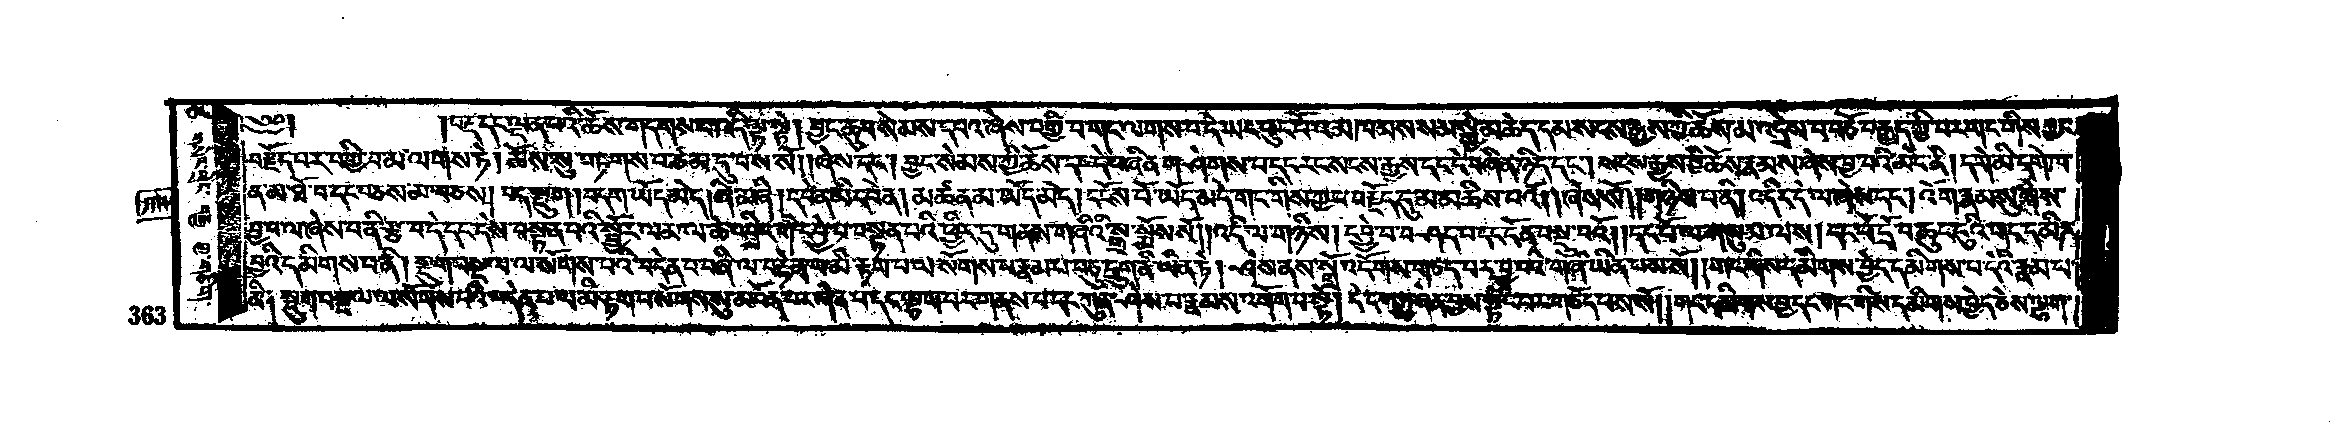༄༅། །བརྡ་དང་ལྡན་པའི་ཆོས་གདགས་པ་འདི་ལྟ་སྟེ། བྱང་ཆུབ་སེམས་དཔའ་ཞེས་བགྱི་བ་གང་ལགས་པ་དེ་ཡང་ཕུང་པོ་འམ་ཁམས་སམ་སྐྱེ་མཆེད་དམ་སངས་རྒྱས་ཀྱི་ཆོས་མ་འདྲེས་པ་བཅོ་བརྒྱད་ཀྱི་བར་གང་གིས་ཀྱང་
བརྗོད་པར་བགྱི་བ་མ་ལགས་ཏེ། ཆོས་སུ་བཏགས་པ་ཙམ་དུ་བས་སོ། །ཞེས་དང་། བྱང་སེམས་ཀྱི་ཆོས་དང་དེ་བཞིན་གཤེགས་པ་དང་རང་སངས་རྒྱས་དང་དེ་བཞིན་ཉིད་དང་། སངས་རྒྱས་ཀྱི་ཆོས་རྣམས་ཞེས་བྱ་བའི་མིང་ནི། དགེ་མི་དགེ་ཁ་
ན་མ་ཐོ་བ་དང་བཅས་མ་བཅས། བདེ་སྡུག །བདག་ཡོད་མེད། ཞི་མ་ཞི། དབེན་མི་དབེན། མཚན་མ་ཡོད་མེད། དངོས་པོ་ཡོད་མེད་གང་གིས་ཀྱང་བརྗོད་དུ་མ་མཆིས་པའོ། །ཞེས་སོ། །གཉིས་པ་ནི། འདིར་དེ་ལ་ཞེས་དང་། འོག་རྣམས་སུ་ཞེས་
བྱ་བ་ལ་ཞེས་པ་ནི་རྩ་བ་དེ་དང་དེས་བསྟན་པའི་སྦྱོར་ལམ་ལ་ཆེ་འབྲིང་གི་དབྱེ་བ་བསྟན་པའི་ཕྱིར་དུ་གནས་གཞིའི་སྒྲ་སྨོས་སོ། །འདི་ལ་གཉིས། དབྱེ་བ་བཤད་པ་དང་དོན་བསྡུ་བའོ། །དང་པོ་ལ་གསུམ་ལས། དང་པོ་དྲོ་བ་ཆུང་ངུའི་གང་དམིགས་
བྱའི་དམིགས་པ་ནི། སྡུག་བསྔལ་ལ་སོགས་པའི་བདེན་པ་བཞི་ལ་བརྟེན་པ་མི་རྟག་པ་ལ་སོགས་པ་རྣམ་པ་བཅུ་དྲུག་ནི་ཡིན་ཏེ། ཤེས་ནས་སྒྲོ་འདོགས་གཅད་པར་བྱ་བའི་གཞི་ཡིན་པས་སོ། །གང་གིས་དམིགས་བྱེད་དམིགས་པ་དེའི་རྣམ་པ་
ནི། སྡུག་བསྔལ་ལ་སོགས་པའི་བདེན་པ་ལ་མི་རྟག་པ་སོགས་སུ་མངོན་པར་ཞེན་པ་དང་ལྷག་པར་གནས་པ་དང་ཀུན་ཤེས་པ་རྣམས་འགོག་པ་སྟེ། དེ་དག་ཏུ་ཞེན་བྱས་སྟོང་པར་གཅོད་པས་སོ། །གང་དམིགས་བྱ་དང་གང་གིས་དམིགས་བྱེད་ཅེས་ལྷག་